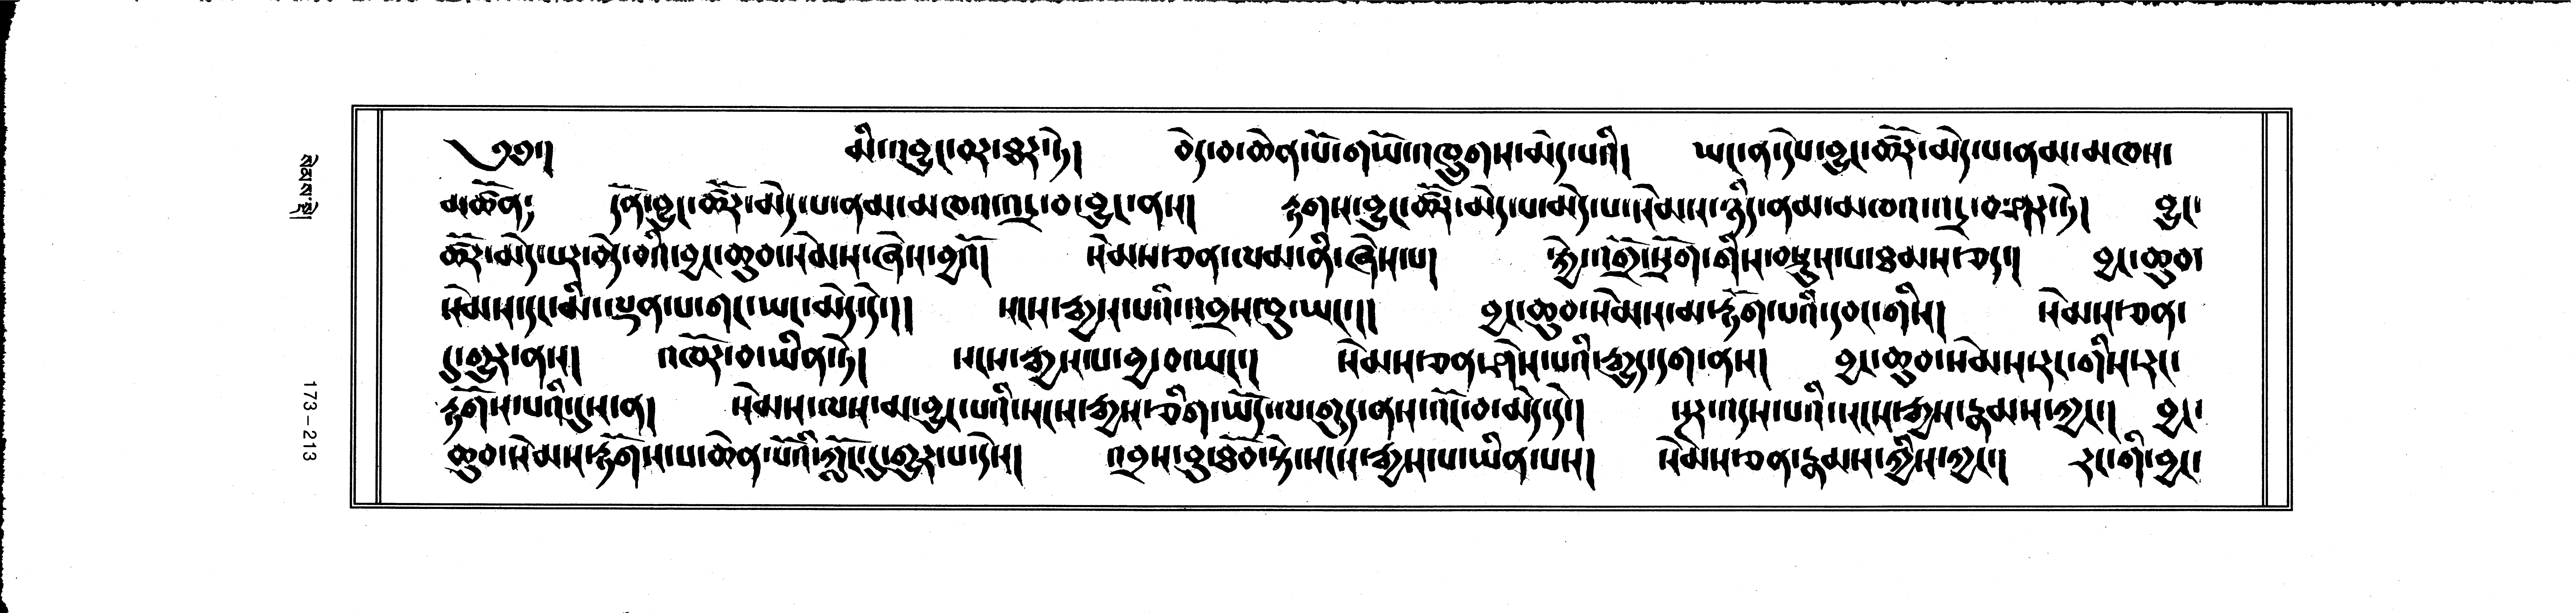མི་འབྱུང་བ་ཐར་ཏེ། བདེ་བ་ཆེན་པོ་གཡོ་འཁྲུགས་མེད་པའི། ཡང་ན་དཔེ་བྱུང་ཚོར་མེད་པ་ནམ་མཁས་
མཚོན། དོན་བྱུང་ཚོར་མེད་པ་ནམ་མཁའ་འདྲ་བ་བྱུང་ནས། རྟགས་བྱུང་ཚོར་མེད་པ་སེམས་ཉིད་ནམ་མཁའ་འདྲ་བ་ཤར་ཏེ། བྱུང་
ཚོར་མེད་པར་བདེ་བའི་བྱང་ཆུབ་སེམས་ཞེས་བྱའོ། །སེམས་ཅན་ལམ་འདི་ཞེས་པ། སྐྱེ་འགྲོ་སྲོག་གིས་བསྡུས་པ་ཐམས་ཅད། བྱང་ཆུབ་
སེམས་དང་མི་ལྡན་པ་གང་ཡང་མེད་དེ། སངས་རྒྱས་པའི་འབྲས་བུ་ཡང་། བྱང་ཆུབ་སེམས་མ་རྟོགས་པའི་དབང་གིས། སེམས་ཅན་
དུ་གྱུར་ནས། འཁོར་བ་ཡིན་ཏེ། སངས་རྒྱས་པ་བྱ་བ་ཡང་། སེམས་ཅན་ཤེས་པའི་རྒྱུད་དག་ནས། བྱང་ཆུབ་སེམས་རང་གིས་རང་
རྟོགས་པའི་དུས་ན། སེམས་ལས་མ་བྱུང་བའི་སངས་རྒྱས་ཅིག་ཡོད་ལ་གུད་ནས་འོང་བ་མེད་དེ། སྔར་འདས་པའི་སངས་རྒྱས་རྣམས་ཀྱང་ བྱང་།
ཆུབ་སེམས་རྟོགས་པ་ཆེན་པོའི་ཀློང་དུ་གྱུར་པ་དེས། འབྲས་བུ་ཐོབ་སྟེ་སངས་རྒྱས་པ་ཡིན་པས་ སེམས་ཅན་རྣམས་ཀྱིས་ཀྱང་། རང་གི་བྱང་